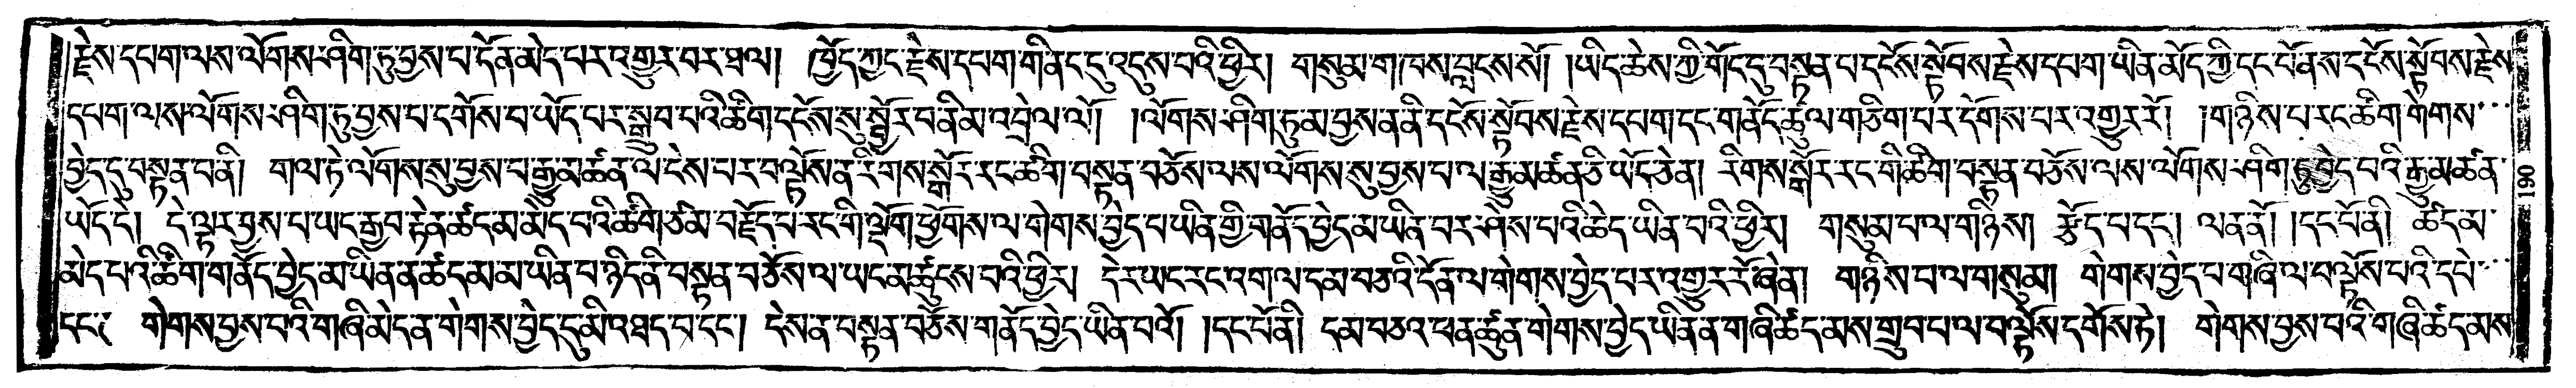རྗེས་དཔག་ལས་ལོགས་ཤིག་ཏུ་བྱས་པ་དོན་མེད་པར་འགྱུར་བར་ཐལ། ཁྱོད་ཀྱང་རྗེས་དཔག་གི་ནང་དུ་འདུས་པའི་ཕྱིར། གསུམ་ག་ཁས་བླངས་སོ། །ཡིད་ཆེས་ཀྱི་གོང་དུ་བསྟན་པ་དངོས་སྟོབས་རྗེས་དཔག་ཡིན་མོད་ཀྱི་དང་པོ་ནས་དངོས་སྟོབས་རྗེས་
དཔག་ལས་ལོགས་ཤིག་ཏུ་བྱས་པ་དགོས་པ་ཡོད་པར་སྒྲུབ་པའི་ཚིག་དངོས་སུ་སྦྱོར་བ་ནི་མ་འབྲེལ་ལོ། །ལོགས་ཤིག་ཏུ་མ་བྱས་ན་ནི་དངོས་སྟོབས་རྗེས་དཔག་དང་གནོད་ཚུལ་གཅིག་པར་དོགས་པར་འགྱུར་རོ། །གཉིས་པ་རང་ཚིག་གེགས་
བྱེད་དུ་བསྟན་པ་ནི། གལ་ཏེ་ལོགས་སུ་བྱས་པ་རྒྱུ་མཚན་ལ་ངེས་པར་བལྟོས་ན་རིགས་སྒོར་རང་ཚིག་བསྟན་བཅོས་ལས་ལོགས་སུ་བྱས་པ་ལ་རྒྱུ་མཚན་ཅི་ཡོད་ཅེ་ན། རིགས་སྒོར་རང་གི་ཚིག་བསྟན་བཅོས་ལས་ལོགས་ཤིན་ཏུ་བྱེད་པའི་རྒྱུ་མཚན་
ཡོད་དེ། དེ་ལྟར་བྱས་པ་ཡང་རྒྱབ་རྟེན་ཚད་མ་མེད་པའི་ཚིག་ཙམ་བརྗོད་པ་རང་གི་ལྡོག་ཕྱོགས་ལ་གེགས་བྱེད་པ་ཡིན་གྱི་གནོད་བྱེད་མ་ཡིན་པར་ཤེས་པའི་ཆེད་ཡིན་པའི་ཕྱིར། གསུམ་པ་ལ་གཉིས། རྩོད་པ་དང་། ལན་ནོ། །དང་པོ་ནི། ཚད་མ་
མེད་པའི་ཚིག་གནོད་བྱེད་མ་ཡིན་ན་ཚད་མ་མ་ཡིན་བ་ཉིད་ནི་བསྟན་བཅོས་ལ་ཡང་མཚུངས་པའི་ཕྱིར། དེར་ཡང་རང་འགལ་དམ་བཅའི་དོན་ལ་གེགས་བྱེད་པར་འགྱུར་རོ་ཞེ་ན། གཉིས་པ་ལ་གསུམ། གེགས་བྱེད་པ་གཞི་ལ་བལྟོས་པའི་དཔེ་
དང༑ གེགས་བྱས་པའི་གཞི་མེད་ན་གེགས་བྱེད་དུ་མི་འཐད་པ་དང་། དེས་ན་བསྟན་བཅོས་གནོད་བྱེད་ཡིན་པའོ། །དང་པོ་ནི། དམ་བཅའ་ཕན་ཚུན་གེགས་བྱེད་ཡིན་ན་གཞི་ཚད་མས་གྲུབ་པ་ལ་བལྟོས་དགོས་ཏེ། གེགས་བྱས་པའི་གཞི་ཚད་མས་